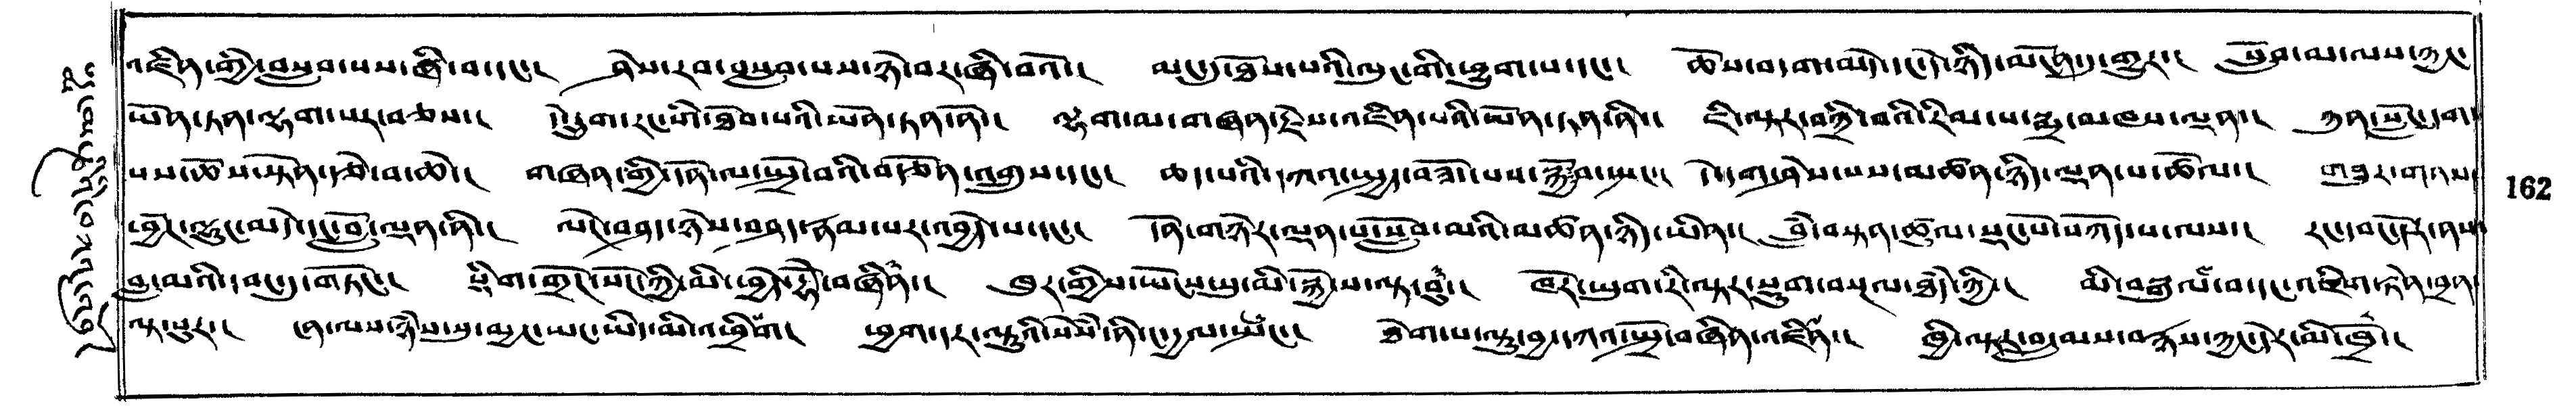འཛིན་གྱི་བསླབ་པས་ཞི་བ་དང་། །ཤེས་རབ་བསླབ་པས་ཉེ་བར་ཞི་བའོ། །མང་དུ་ཐོས་པའི་ལུང་གིས་ཕྱུག་པ་དང་། །ཆོས་བདག་མེད་དང་དེ་ཉིད་མངོན་དུ་གྱུར། །སློབ་མ་ལས་ཀྱང་
ཡོན་ཏན་ལྷག་པར་བཅས། །དེ་དྲུག་རང་གི་ཐོབ་པའི་ཡོན་ཏན་ནོ། །ལྷག་མ་གཞན་རྗེས་འཛིན་པའི་ཡོན་ཏན་ནི། །ཇི་ལྟར་བཀྲི་བའི་རིམ་པ་སྨྲ་མཁས་ལྡན། །ཀུན་སློང་དག་
པས་ཆོས་སྟོན་བརྩེ་བ་ཆེ། །གཞན་གྱི་དོན་ལ་སྤྲོ་བའི་བརྩོན་འགྲུས་དང་། །ཆད་པའི་དཀའ་སྤྱད་བཟོད་པས་སྐྱོ་བ་སྤང་། །དེ་དག་ཤེས་པས་མཚན་ཉིད་ལྡན་པ་ཚོལ། །གཟུར་གནས་
ཕྱོགས་ལྷུང་མེད་དང་བློ་ལྡན་ནི། །ལེགས་བཤད་ཉེས་བཤད་རྣམ་པར་འབྱེད་པ་དང་། །དོན་གཉེར་ལྡན་པ་སློབ་མའི་མཚན་ཉིད་ཡིན། །བླ་མ་བསྟེན་ཚུལ་སྡོང་པོ་བཀོད་པ་ལས། །རང་དབང་དོར་ནས་
བླ་མའི་དབང་དུ་གཏོང་། །སྡིག་གྲོགས་སོགས་ཀྱི་མི་ཕྱེད་རྡོ་རྗེ་བཞིན། །ཁུར་གྱིས་ཡོངས་སུ་མི་སྐྱོ་ས་ལྟ་བུ། །ཁོར་ཡུག་རི་ལྟར་སྡུག་བསྔལ་ཐམས་ཅད་ཀྱི། །མི་བསྒུལ་བ་དང་འཇིག་རྟེན་བྲན་
ལྟ་བུར། །ངན་ལས་ཉམས་སུ་མྱང་ཡང་ཡིད་མི་འཕྲིག།ཕྱག་དར་ལྟ་བུའི་སེམས་ནི་ང་རྒྱལ་སྤང་། །ཐེག་པ་ལྟ་བུ་བྱ་དཀའ་སྤྲོ་བཞིན་འཛིན། །ཁྱི་ལྟར་བླ་མས་བརྙས་ཀྱང་དེར་མི་ཁྲོ། །